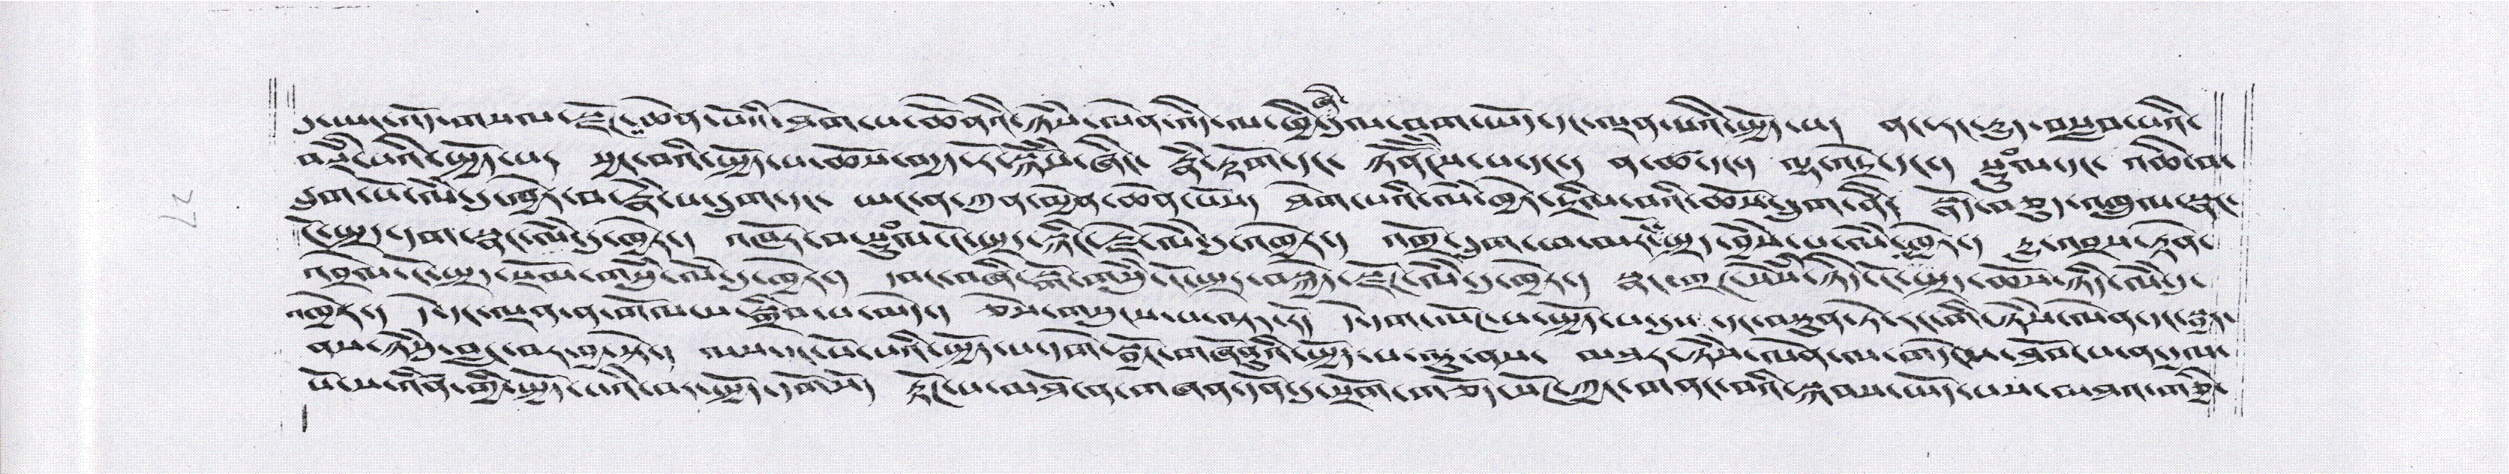དུ་ཡང་འོད་གསལ་རྫོགས་པ་ཆེན་པོའི་ཐེག་པ་ཆེན་པོའི་ཉམས་ལེན་འདི་ལ་ཕྱི་ཞི་དུལ་བག་ཡོད་དང་ལྡན་པའི་སྤྱོད་པ། ནང་རང་རྒྱུད་བསླབ་པའི་
བསྡམས་པའི་སྤྱོད་པ། གསང་བའི་སྤྱོད་པ་ཆོས་བརྒྱད་རོ་སྙོམས་ཤིང་། རྣམ་རྟོག་དང་། ཉོན་མོངས་པ་དང་། ན་ཚ་དང་། ལྷ་འདྲེ་དང་། སྡུག་བསྔལ་དང་། འཆི་བ་
དྲུག་པོ་ལམ་དུ་འཁྱེར་བ་རྣམ་པ་དྲུག་དང་། ཡང་ན་ཀུན་མཁྱེན་ཆེན་པོས། ཐེག་པའི་ལམ་ཁྱེར་དྲིལ་བའི་ཆོས་དྲུག་ནི། སྣོད་བཅུད་འཁྲུལ་སྣང་
ངོ་སྤྲད་དག་སྣང་ལམ་དུ་འཁྱེར། འཁོར་བ་སྡུག་བསྔལ་ངོ་སྤྲད་སྙིང་རྗེ་ལམ་དུ་འཁྱེར། འགྲོ་དྲུག་ཕ་མར་ངོ་སྤྲད་བྱིས་པ་ལམ་དུ་འཁྱེར། རྒྱུ་འབྲས་རྟོན་
འབྲེལ་ངོ་སྤྲོད་སྡོམ་གསུམ་ལམ་དུ་འཁྱེར། འཁོར་བ་སྡུག་བསྔལ་ངོ་སྤྲོད་སྙིང་རྗེ་ལམ་དུ་འཁྱེར། དབང་བཞི་སྒོ་གསུམ་ངོ་སྤྲོད་བསྐྱེད་རྫོགས་ལམ་དུ་འཁྱེར། སྣང་གྲགས་སེམས་ཉིད་ངོ་སྤྲད་ཆོས་ཉིད་ལམ་དུ་
འཁྱེར། དེ་དང་ལྡན་ན་གོལ་ས་སྒྲིབ་པ་མེད། ཅེས་གསུངས་པ་ལྟར་རོ། དེ་དག་ལ་སོགས་པ་སྤྱོད་པ་དང་བསྟུན་ཏེ་རང་གི་ཉམས་ལེན་དང་སྦྱར་
ནས་ཉམས་སུ་བླང་བར་བྱ་སྟེ། ལས་དང་པོ་བའི་སྤྱོད་པ་དགེ་སྦྱོང་གཞོན་ནུའི་སྤྱོད་པ་ལྟ་བུ་ནས་མཐར་ཉམས་ལེན་ལ་གདེང་ཐོབ་པ་ན་རྒྱལ་
པོ་ས་འཛིན་གྱི་སྤྱོད་པའི་བར་སྤྱོད་དགོས་སོ། རྟོགས་པ་མཐོ་ན་གཞན་དོན་དུ་སྲོག་གཅོད་སོགས་ཀྱང་གནང་བའི་སྐབས་ཡོད་པས་མཐའ་གཅིག་